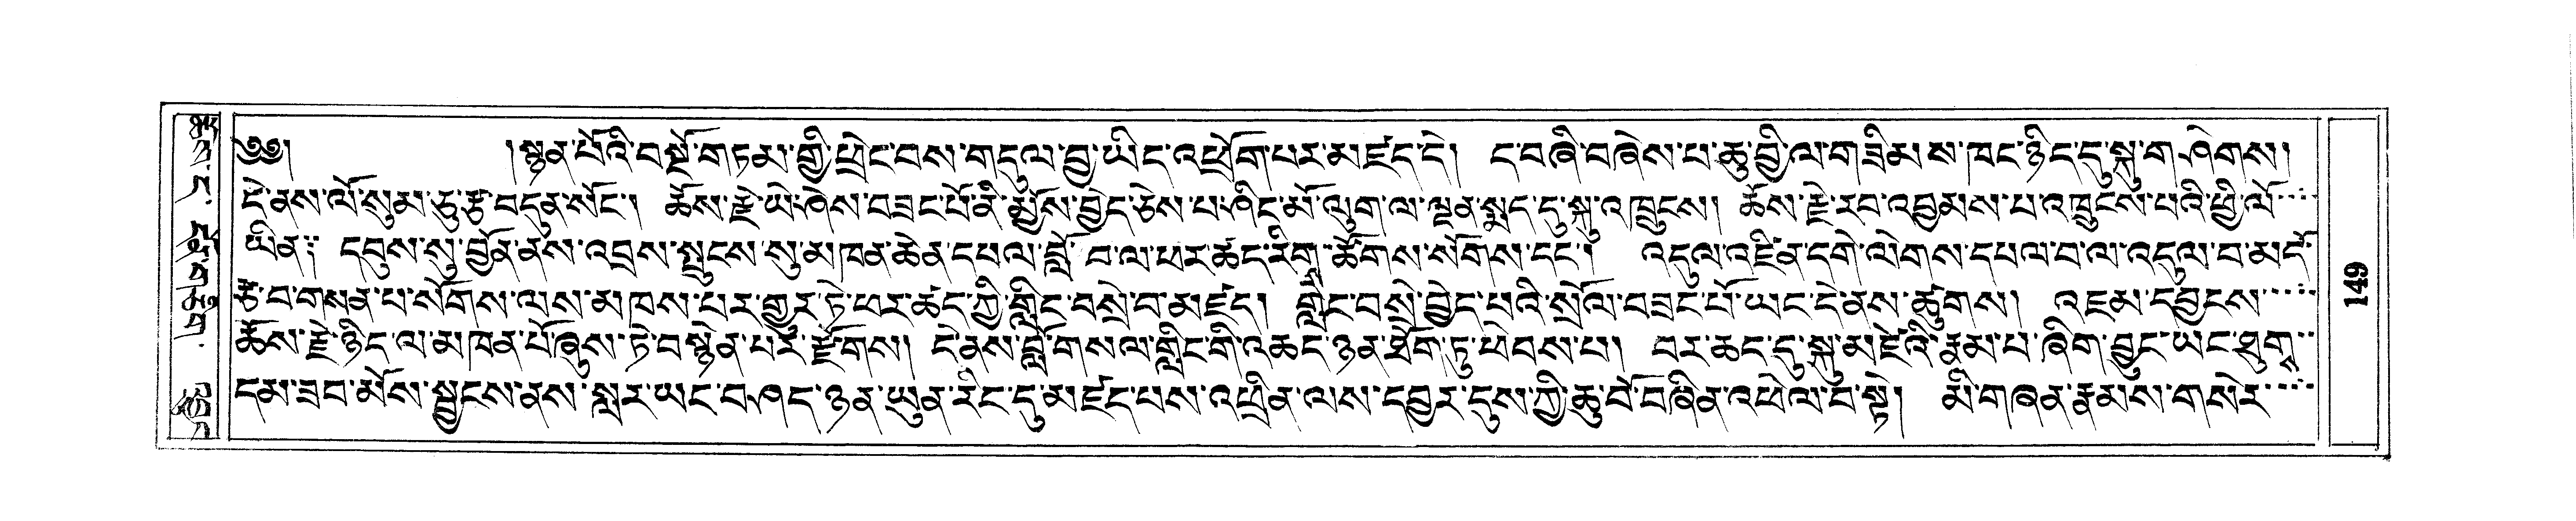༄༅། །སྙན་པོའི་བསྔོ་གཏམ་གྱི་ཕྲེང་བས་གདུལ་བྱ་ཡིད་འཕྲོག་པར་མཛད་དེ། ད་བཞི་བཞེས་པ་ཆུ་བྱི་ལ་གཟིམས་ཁང་ཉིད་དུ་སྐུ་གཤེགས།
དེ་ནས་ལོ་སུམ་ཅུ་རྩ་བདུན་སོང་། ཆོས་རྗེ་ཡེ་ཤེས་བཟང་པོ་ནི་མྱོས་བྱེད་ཅེས་པ་ཤིང་མོ་ལུག་ལ་ལྡན་སྨད་དུ་སྐུ་འཁྲུངས། ཆོས་རྗེ་རབ་འབྱམས་པ་འཁྲུངས་པའི་ཕྱི་ལོ་
ཡིན༑ དབུས་སུ་བྱོན་ནས་འབྲས་སྤུངས་སུ་མཁན་ཆེན་དཔལ་བློ་བ་ལ་ཕར་ཚད་རིགས་ཚོགས་སོགས་དང་། འདུལ་འཛིན་དགེ་ལེགས་དཔལ་བ་ལ་འདུལ་བ་མདོ་
རྩ་བ་གསན་པ་སོགས་ལས་མཁས་པར་གྱུར་ཏེ་ཕར་ཚད་ཀྱི་གླིང་བསྲེ་བ་མཛད། གླེང་བསྲེ་བྱེད་པའི་སྲོལ་བཟང་པོ་ཡང་དེ་ནས་ཚུགས། འཇམ་དབྱངས་
ཆོས་རྗེ་ཉིད་ལ་མཁན་པོ་ཞུས་ཏེ་བསྙེན་པར་རྫོགས། དེ་ནས་བློ་གསལ་གླིང་གི་འཆད་ཉན་ཐོག་ཏུ་ཕེབས་པ། བར་ཆང་དུ་སྐུ་མཛེའི་རྣམ་པ་ཞིག་བྱུང་ཡང་ཐུགས་
དམ་ཟབ་མོས་སྦྱངས་ནས་སླར་ཡང་བཤད་ཉན་ཡུན་རིང་དུ་མཛད་པས་འཕྲིན་ལས་དབྱར་དུས་ཀྱི་ཆུ་བོ་བཞིན་འཕེལ་བ་སྟེ། མི་གཞན་རྣམས་གསེར་